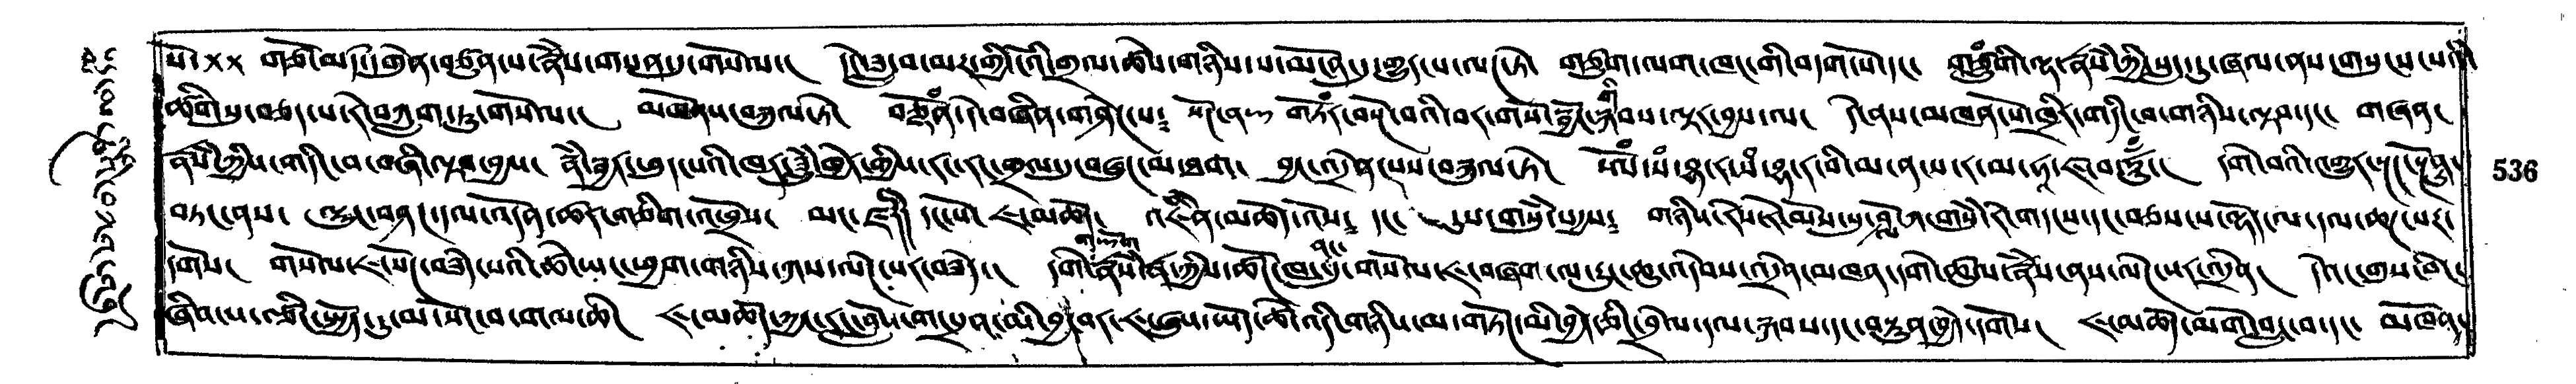པོ༴ གཙོར་མཛད་དགེ་འདུན་བཙུན་པ་རྣམས་གསན་དུ་གསོལ། དེང་ཟླ་བ་མར་གྱི་ངོའི་གྲལ་ཚེས་གཉིས་པ་མངོན་དུ་གྱུར་པ་ལགས་ཏེ། གཙུག་ལག་ཁང་གི་བདག་པོ་དང་། གཙུག་ལག་ཁང་གི་ལྷ་རྣམས་ཀྱི་སླད་དུ་ཞལ་ནས་གསུངས་པའི་
ཚིགས་སུ་བཅད་པ་རེ་བཀླག་ཏུ་གསོལ། མཁན་པོས་བསྐུལ་ཏེ། བཅོམ་ལྡན་འདས་དེ་བཞིན་གཤེགས་པ༴ སོགས་ནས་གཏོར་མ་བསྔོ་བའི་བར་གསོ་སྦྱོང་གི་སྐབས་ལྟར་བྱས་ལ། དེ་ནས་མཁན་པོའི་ཁྲིར་གདིང་བ་གཉིས་བལྟབ་དང་། གཞན་
རྣམས་ཀྱིས་གདིང་བ་བཞི་བལྟབ་བྱ། སྣམ་སྦྱར་ཕུད་པའི་ཁར་ཟླུམ་ཁྱེར་གྱིས་རང་རང་གྲལ་དུ་བཞུགས་མ་ཐག བྱང་འདྲེན་པས་བསྐུལ་ཏེ། ཨོཾ་སཾ་བྷ་ར་སཾ་བྷ་ར་བི་མ་ན་ས་ར་མ་ཧཱ་ཛ་བ་ཧཱུྃ། དགེ་བའི་འགྱུར་སྔགས་སྔོན་དུ་
བཏང་ནས། ལྟུང་བཤགས་དལ་འདོན་ཚར་གཅིག་འཕྲོས། མང་ཇ༽ དང་པོ། ཇ་མཆོད། འཇིག་རྟེན་མཆོད་འོས༴ དང་། དུས་གསུམ་སངས་རྒྱས༴ གཉིས་རེས་རེ་མོས་སུ་ཤོ་ལོ་ཀ་གསུམ་རེ་གདངས་དང་བཅས་པ་ལྷོད་ལ་དལ་ཆགས་པར་
དགོས། གསོལ་ཇ་སོགས་བཟེད་པའི་ཚེ་ཡང་ཕྱག་གཉིས་ཀས་ལེགས་པར་བཟེད། དགེ་གཡོག་རྣམས་ཀྱིས་ཚོགས་ཁང་ནང་དུ་གསོལ་ཇ་བཞག་ལ་རུང་ཆུ་འདེབས། འདྲེན་མཁན་དགེ་ཚུལ་རྣམས་ནས་ལེགས་པར་འདྲེན། དེའང་གུས་ཤིང་
ཞིབ་པ་རྩིང་སྤྱོད་དུ་མ་སོང་བ་གལ་ཆེ། ཇ་མཆོད་ཀྱང་རང་བློས་གང་དྲན་མི་བྱ་བར་ཇ་ཞུས་ཡོད་ཚེ་འདི་གཉིས་མ་གཏོགས་མི་བྱེད་ཅིང་བྲེལ་དལ་སྐབས་དང་བསྟུན་ནས་བྱེད་དགོས། ཇ་མཆོད་མགོ་བླང་བ་དང་། མཁན་པོ་